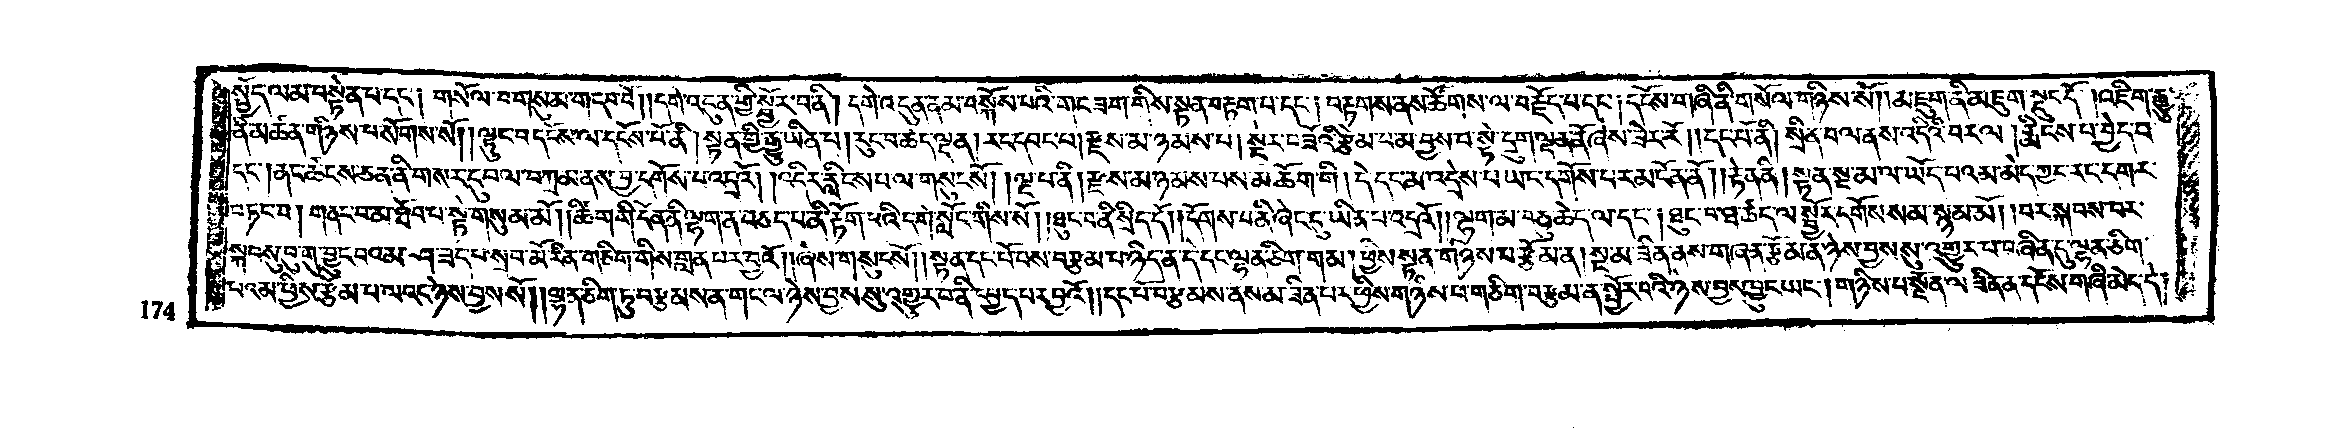སྤྱོད་ལམ་བསྟེན་པ་དང་། གསོལ་བ་གསུམ་གདབ་བོ། །དགེ་འདུན་གྱི་སྦྱོར་བ་ནི། དགེ་འདུན་ནམ་བསྐོས་པའི་གང་ཟག་གིས་སྟན་བརྟག་པ་དང་། བརྟགས་ནས་ཚོགས་ལ་བརྗོད་པ་དང་། དངོས་གཞི་ནི་གསོལ་གཉིས་སོ། །མཇུག་ནི་མཇུག་སྡུང་དོ། །འཇིག་རྒྱུ་
ནི་མཚན་གཉིས་པ་སོགས་སོ། །ལྟུང་བ་དངོས་ལ་དངོས་པོ་ནི། སྟན་གྱི་རྒྱུ་ཡིན་པ། རུང་བ་ཚད་ལྡན། རང་དབང་བ། རྫས་མ་ཉམས་པ། སྔར་བཟོའི་རྩེམ་པ་མ་བྱས་པ་སྟེ་དྲུག་ལྡན་ནོ་ཞེས་ཟེར་རོ། །དང་པོ་ནི། སྲིན་བལ་ནས་འདིའི་བར་ལ། རླིངས་པ་བྱེད་པ་
དང་། ནང་ཆངས་ཅན་ནི་གསར་དུ་བལ་བཀྲམ་ནས་བྱ་དགོས་པ་འདྲའོ། །འདིར་རླིངས་པ་ལ་གསུངས་སོ། །ལྔ་པ་ནི། རྫས་མ་ཉམས་པས་མི་ཆོག་གི། དེ་དང་མ་འདྲེས་པ་ཡང་དགོས་པར་མངོན་ནོ། །རྟེན་ནི། སྟན་སྔ་མ་ལ་ཡོད་པའམ་མེད་ཀྱང་རང་དགར་
བཏང་བ། གནང་བ་མ་ཐོབ་པ་སྟེ་གསུམ་མོ། །ཚིག་གི་དོན་ནི་ལྷག་ན་བཅད་པ་ནི་རྟོག་པའི་དགེ་སློང་གིས་སོ། །ཐུང་བ་ནི་སྲིད་དེ། །དོགས་པ་ནི་ཞེང་དུ་ཡིན་པ་འདྲའོ། །ལྷག་མ་བཅུ་ཆེད་ལ་དང་། ཐུང་བ་ཐ་ཚད་ལ་སྦྱོར་དགོས་སམ་སྙམ་མོ། །བར་སྐབས་བར་
སྐབས་སུ་བུ་གུ་བྱུང་བའམ་ཤ་ཟད་པ་སྲབ་མོ་རིན་གཅིག་གིས་གླན་པར་བྱའོ། །ཞེས་གསུངས་སོ། །སྟན་དང་པོ་བས་བརྩམ་པ་ཉིད་ན་དེ་དང་ལྷན་ཅིག་གམ། ཕྱིས་སྟན་གཉིས་པ་རྩོམ་ན། སྔ་མ་ཟིན་ནས་གཞན་རྩོམ་ན་ཉེས་བྱས་སུ་འགྱུར་པ་བཞིན་དུ་ལྷན་ཅིག་
པའམ་ཕྱིས་རྩེམ་པ་ལའང་ཉེས་བྱས་སོ། །ལྷན་ཅིག་ཏུ་བརྩམས་ན་གང་ལ་ཉེས་བྱས་སུ་འགྱུར་བ་ནི་དབྱད་པར་བྱའོ། །དང་པོ་བརྩམས་ནས་མ་ཟིན་པར་ཕྱིས་གཉིས་པ་གཅིག་བརྩམ་ན་སྦྱོར་བའི་ཉེས་བྱས་བྱུང་ཡང་། གཉིས་པ་སྔོན་ལ་ཟིན་ན་དངོས་གཞི་མེད་དེ༑